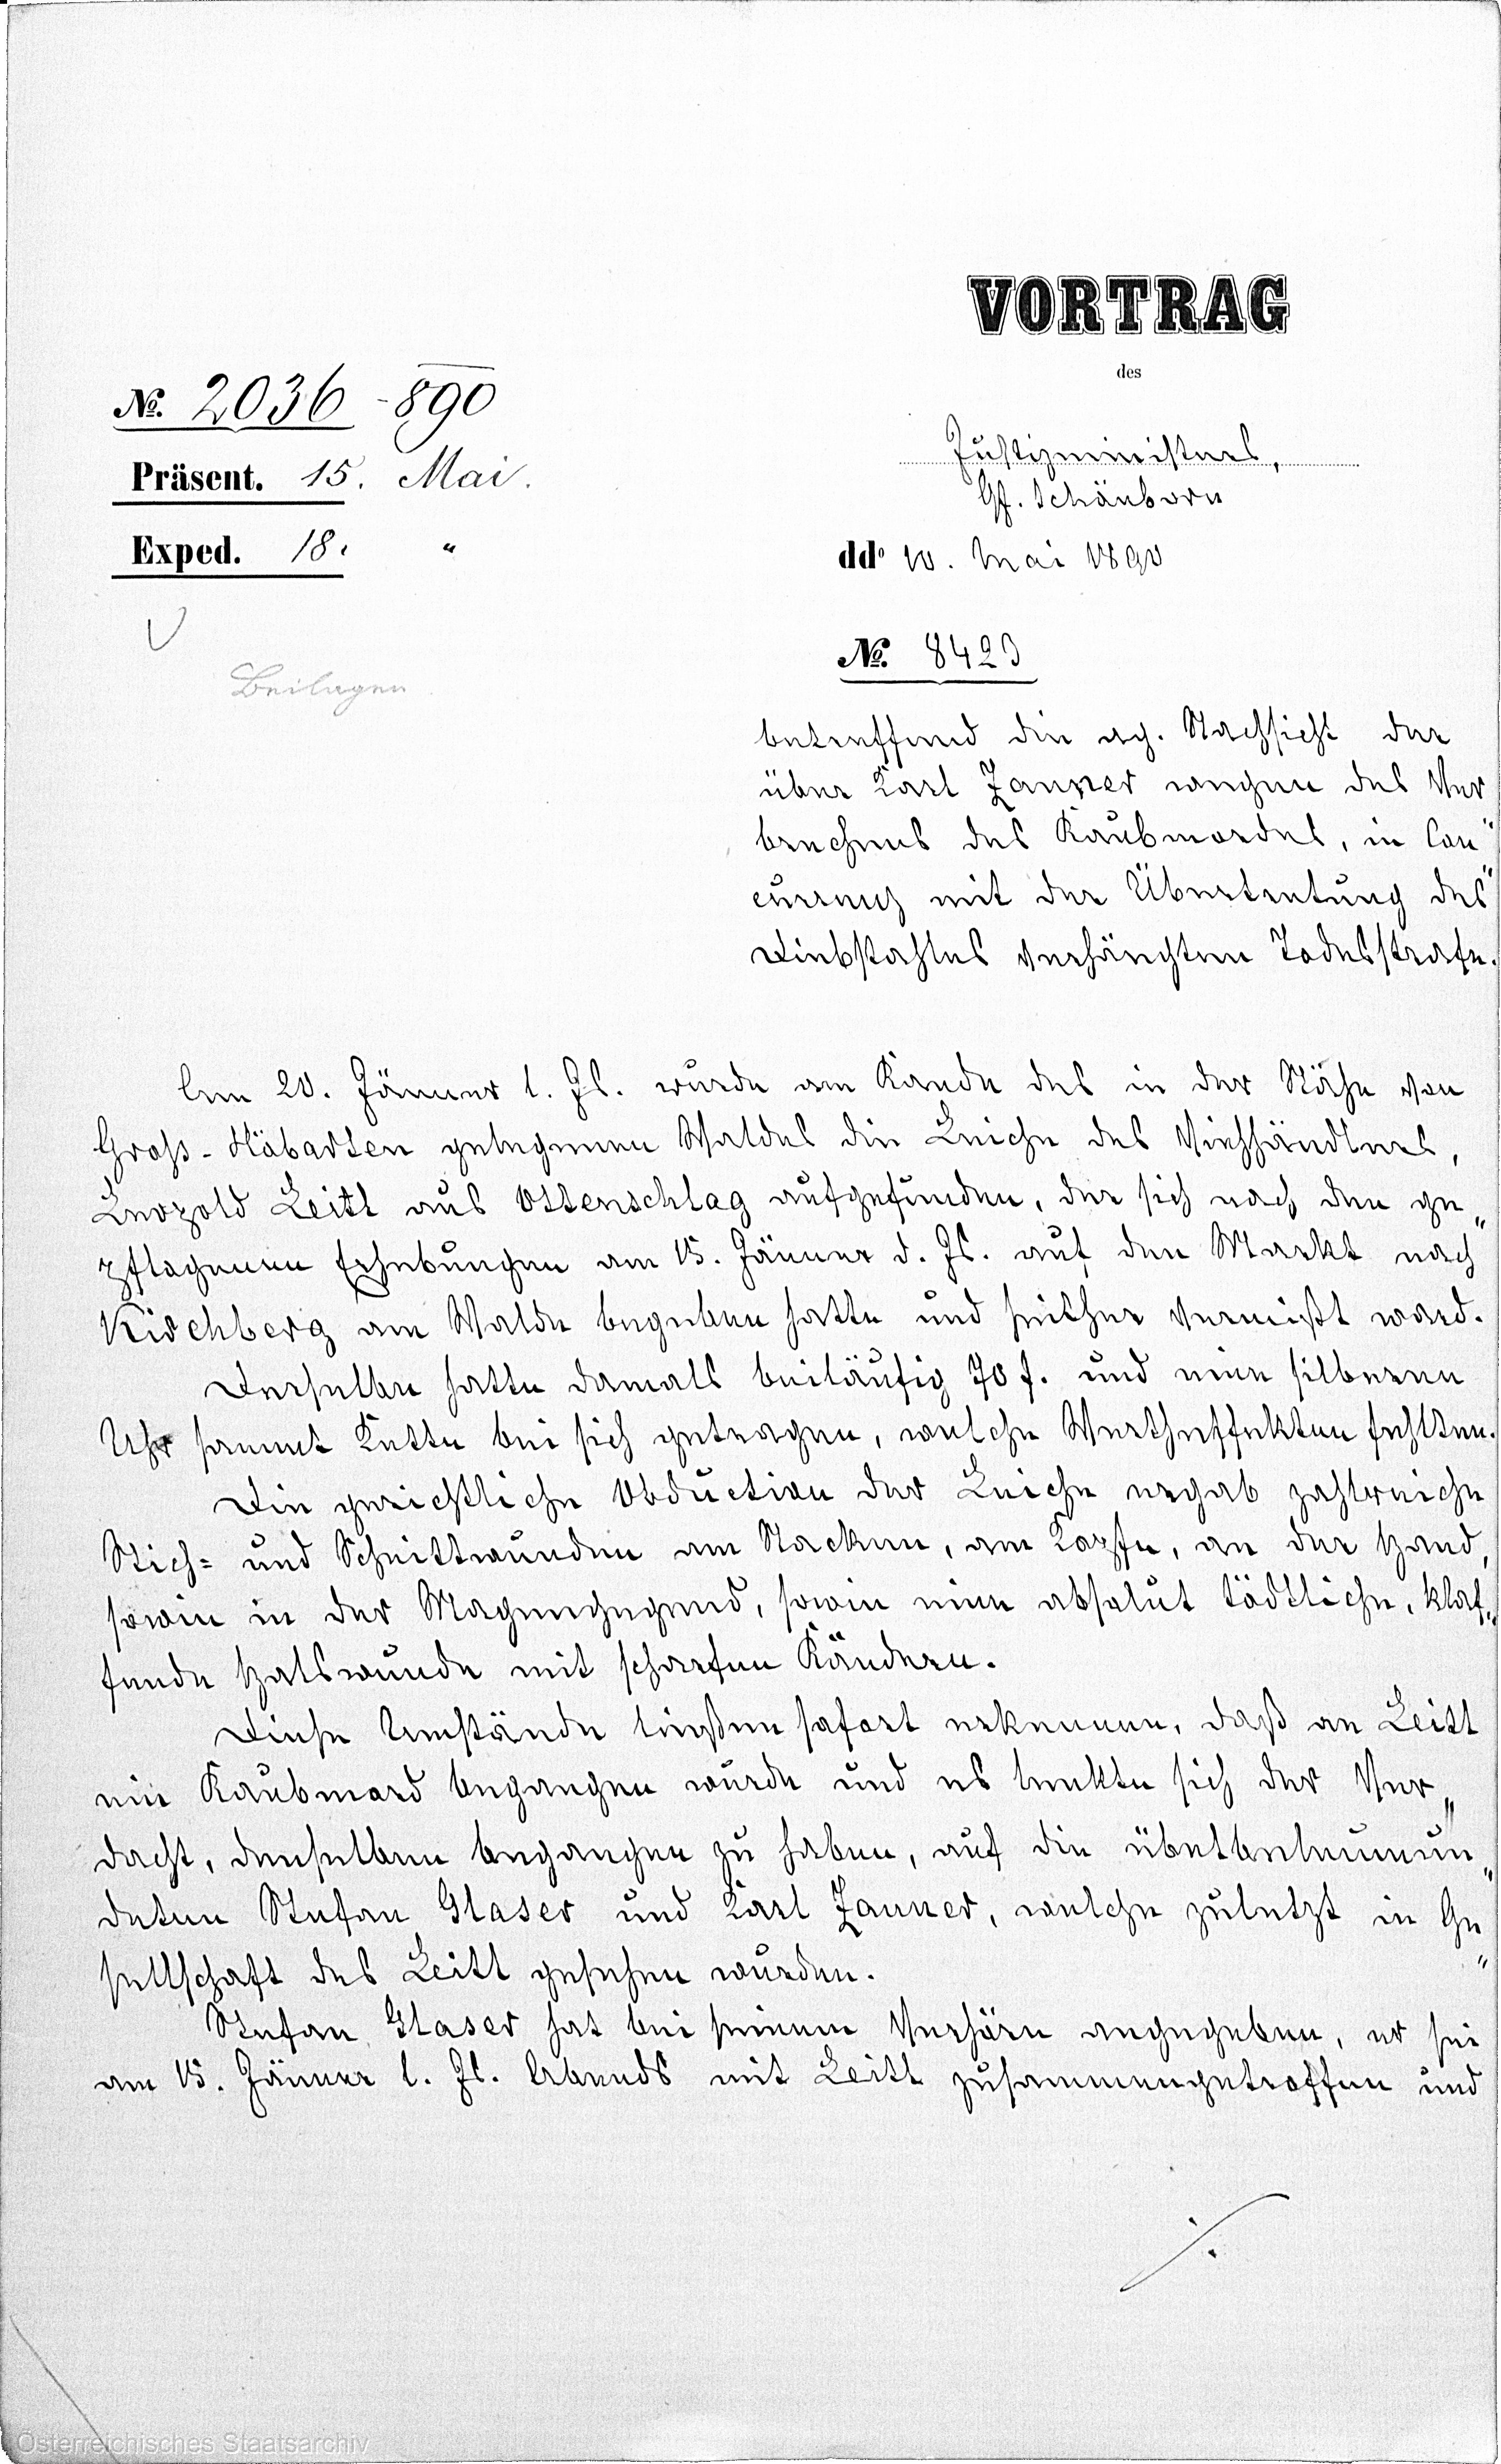VORTRAG
des
Justizministers,
Gf. Schänborn
dd° 10. Mai 1890
N° 8423
betreffend die ag. Nachsicht des
über Karl Zauner wegen des Vor¬
brechens des Raubmordes, in Con¬
currens mit der Übertretung des
Diebstahles verhängten Todesstrafe.
Am 20. Jänner 1. Fs. wurde von Rande des in der Nähe von
Gross - Häbarten gelegenen Waldes die Leiche des Viehhändlers,
Leopold Leitl aus Ottenschlag aufgefunden, der sich nach den ge¬
pflogenen Erhebungen am 15. Jänner d. Js. auf den Markt nach
Kirchberg am Walde begeben hatte und heicher vermißt ward.
Derselbe hatte damals beiläufig 70 f. und eine silberne
Uhr sammt Kette bei sich getragen, welche Wertheffekten fehlten.
Die gerichtliche Obduction der Leiche ergab zahlreiche
Stich= und Schnittwunden am Nacken, am Kopfe, an der Hand,
sowie in der Magengegend, sowie eine absolut tödtliche, klaf¬
fende Halswunde mit scharfen Rändern.
Diese Umstände ließen sofort erkennen, daß an Leitl
ein Raubmord begangen wurde und es lenkte sich der Ver¬
dacht, denselben begangen zu haben, auf die übetbeleumun¬
daten Stefan Glaser und Karl Zauner, welche zuletzt, in Ge¬
sellschaft des Leitl gesehen wurden.
Stefan Glaser hat bei seinem Verhörn angegeben, er sei
am 15. Jänner 1. Fs. Abends mit Leitl zusammengetroffen und
N° 2036 - 890
Präsent. 15. Mai.
Exped. 18. Mai.
Beilagen